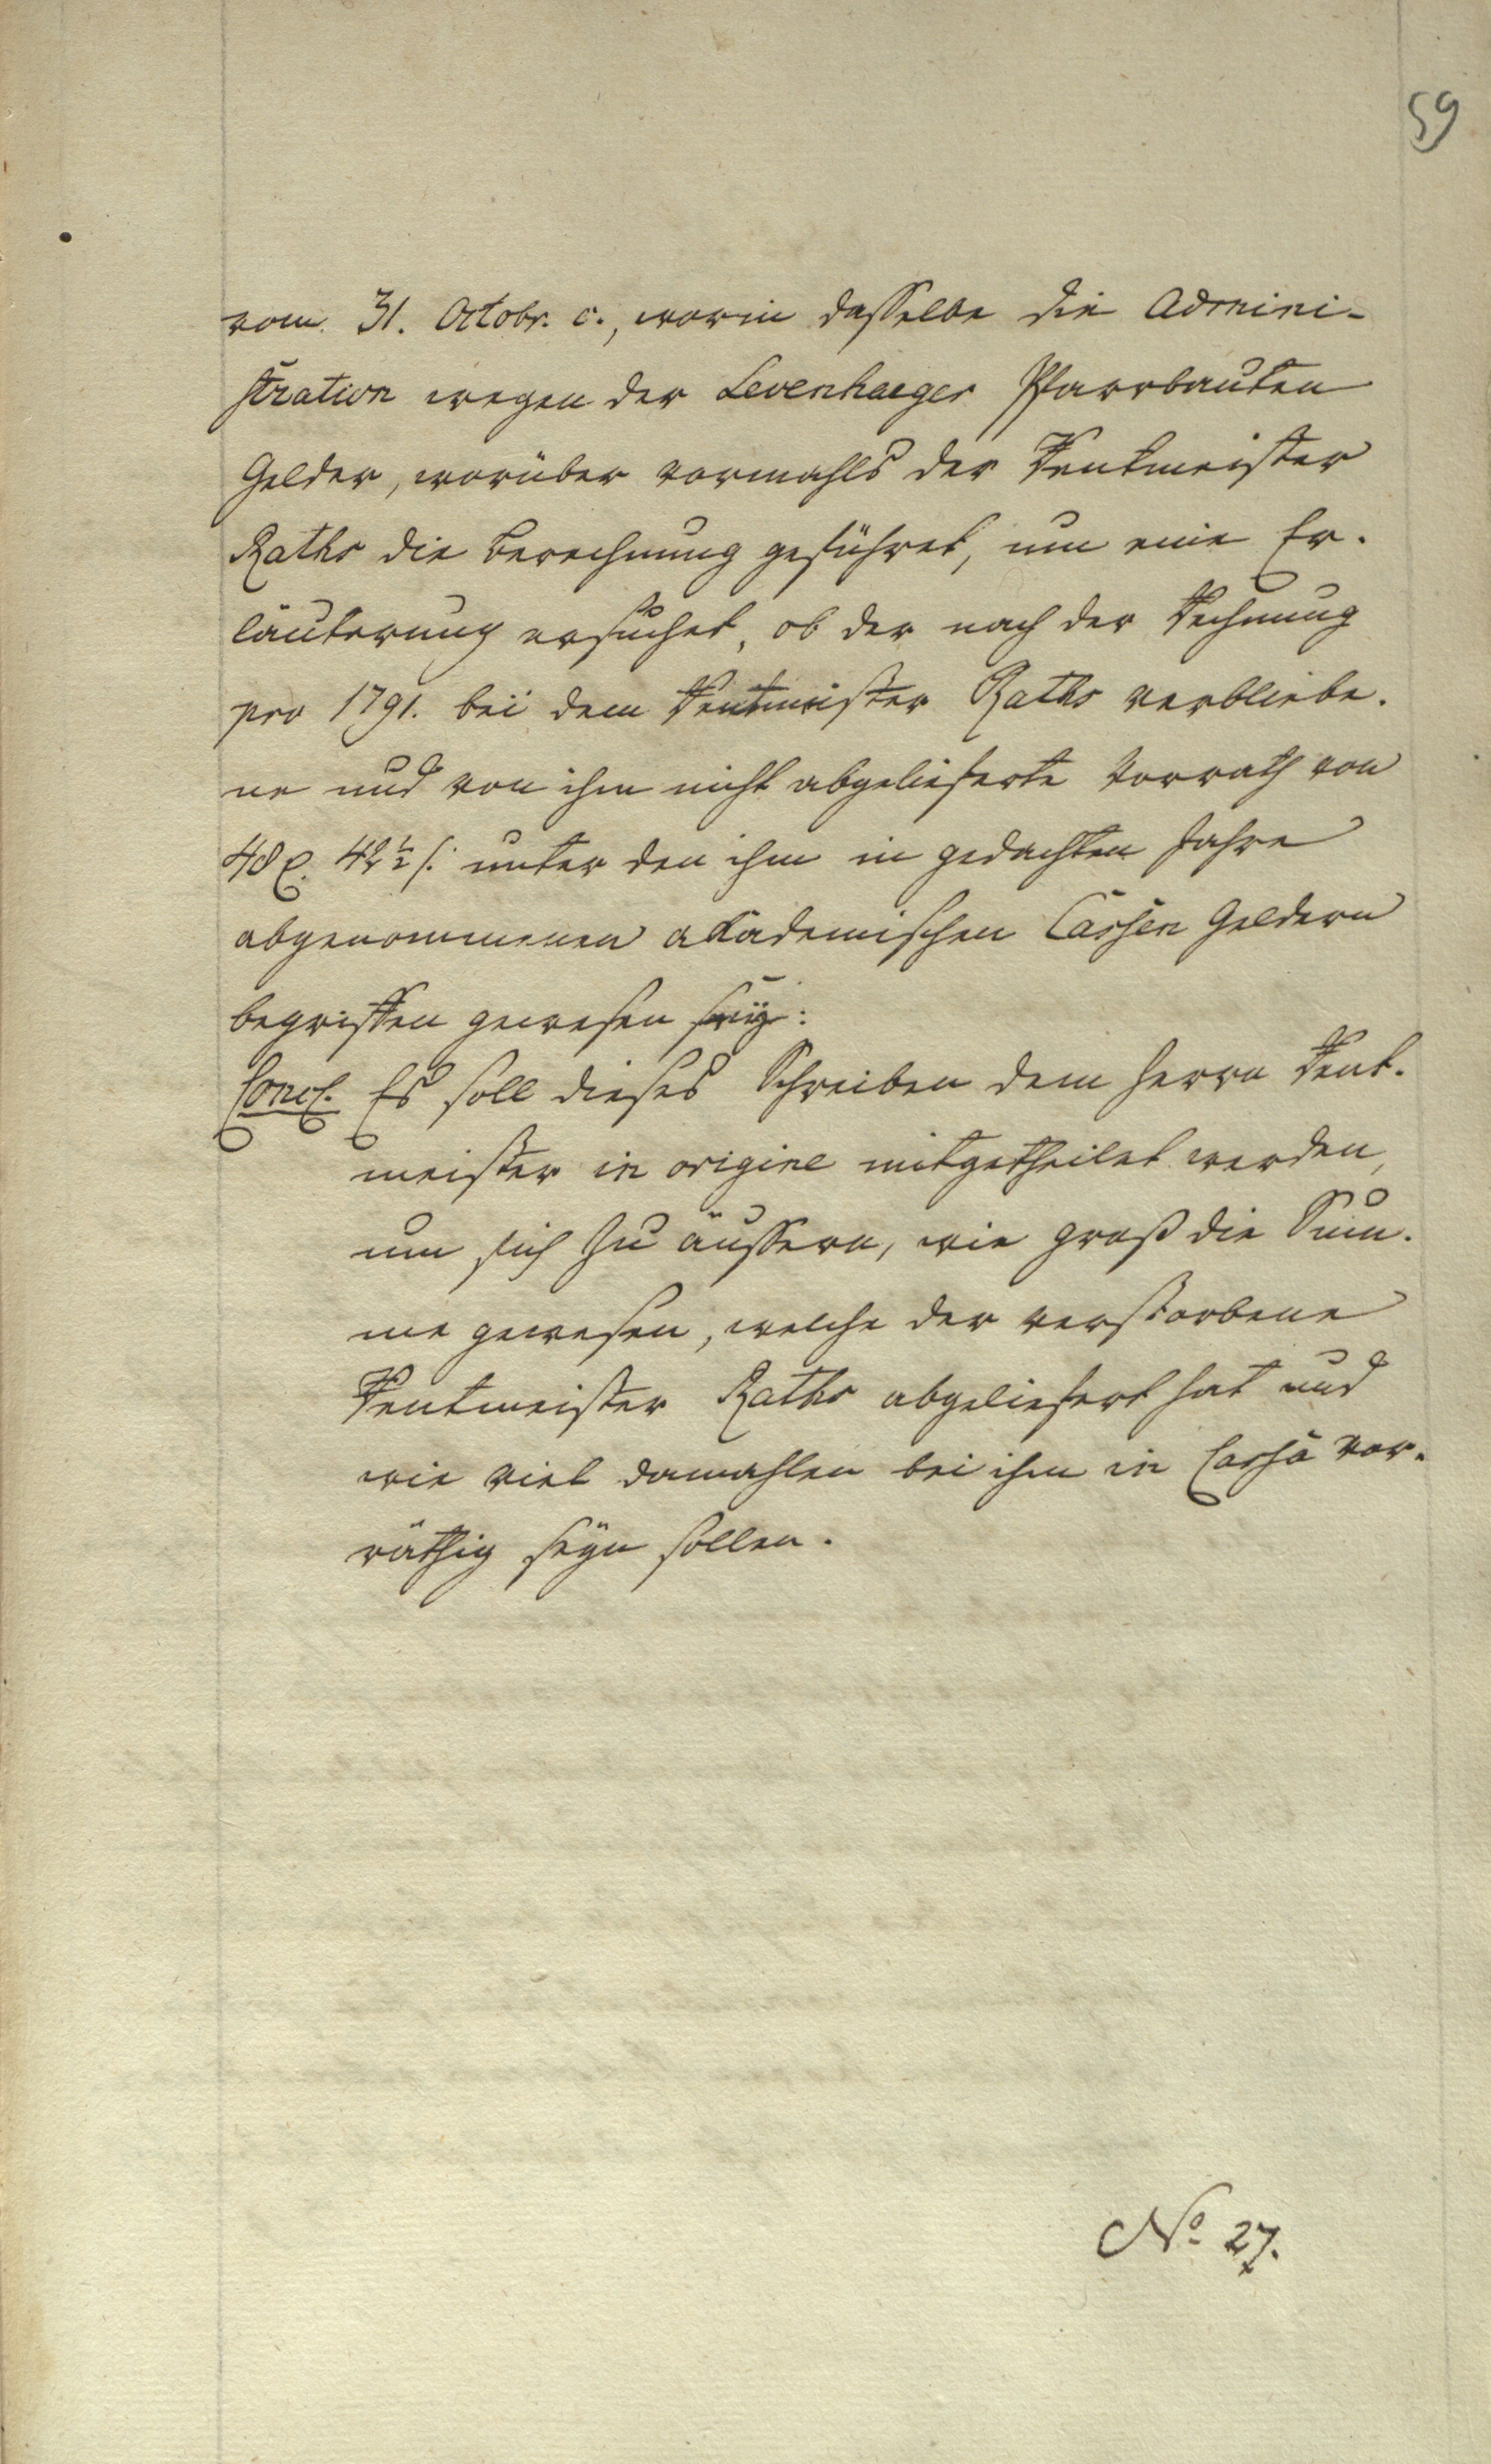vom 31. Octobr. c., worin dasselbe die Admini¬
stration wegen der Levenhaeger Pfarrbauten
Gelder, worüber vormahls der Rentmeister
Raths die Berechnung geführet, um eine Er¬
läuterung ersuchet, ob der nach der Rechnung
pro 1791. bei dem Rentmeister als verbliebe¬
ne und von ihm nicht abgelieferte Vorrath von
48 l. 42 ½ s. unter den ihm in gedachten Jahre
abgenommenen akademischen Cassen Geldern
begriffen gewesen seÿ:
Concl. Es soll dieses Schreiben dem Herrn Rent¬
meister in origine mitgetheilet werden,
um sich zu äussern, wie groß die Sum¬
me gewesen, welche der verstorbene
Rentmeister Raths abgeliefert hat und
wie viel damnahlen bei ihm in Cassa vor¬
räthig seÿn sollen.
No 27.